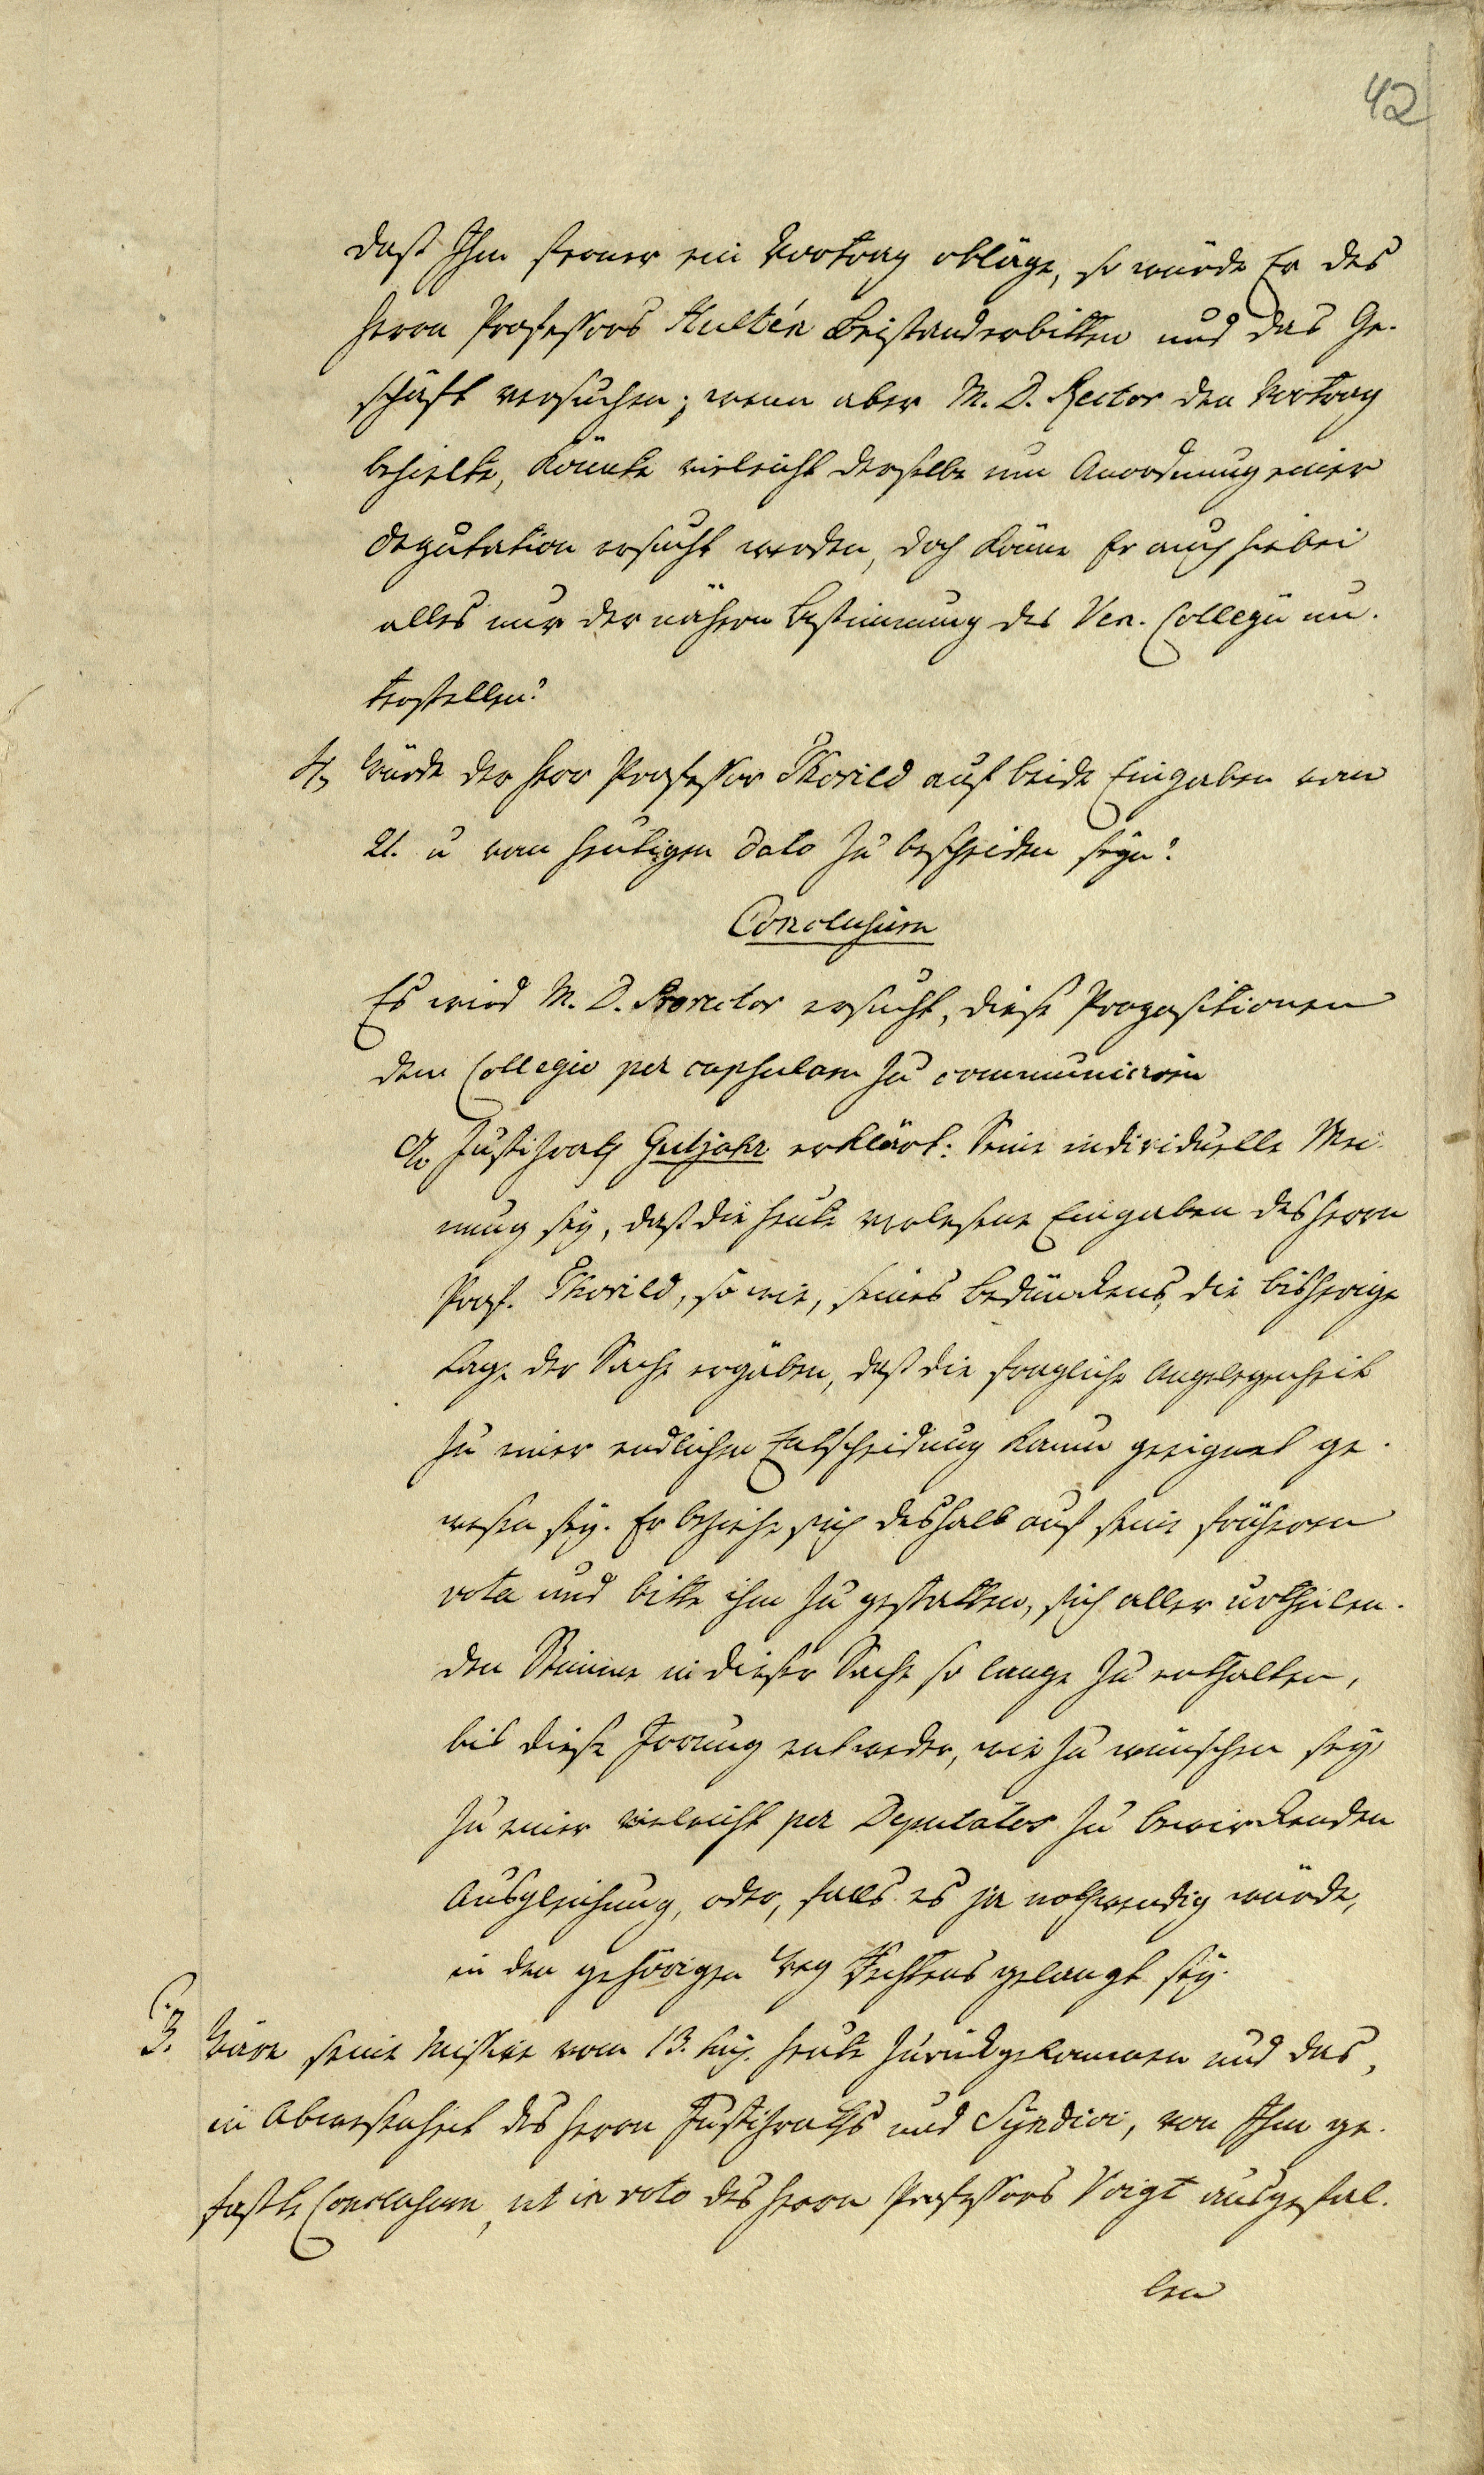daß Ihm ferner ein Vortrag obläge, so würde Er des
Herrn Professors Hultén Beistand erbitten und das Ge¬
schäfte versuchen; wenn aber M. D. Rector den Vortrag
behielte, könnte vieleicht derselbe um Anordnung einer
Deputation ersucht werden, doch könne Er auch hiebei
alles nur der nähern Bestimmung des Ven. Collegii un¬
terstellen?
4. Würde der Herr Professor Thorild auf beide Eingaben vom
21. u vom heutigen dato zu bescheiden seÿn?
Conclusum
Es wird M. D. Prorector ersucht, diese Propositionen
dem Collegio per capsulam zu communiciren
dh Justizrath Gutjahr erklärt: Seine individuelle Mei¬
nung seÿ, daß die heute verlesene Eingaben des Herrn
Prof. Thorild, so wie, seines Bedünckens, die bisherige
Lage der Sache ergäben, daß die fragliche Angelegenheit
zu einer endlichen Entscheidung kaum geeignet ge¬
wesen seÿ. Er beziehe sich deshalb auf seine früheren
vota und bitte ihm zu gestatten, sich aller urtheilen¬
den Stimme in dieser Sache so lange zu enthalten,
bis diese Irrung entweder, wie zu wünschen seÿ,
zu einer vieleicht per Deputatos zu bewirkenden
Ausgleichung, oder, falls es ja nothwendig würde,
in den gehörigen Weg Rechtens gelangt seÿ.
3. Wäre seine Missive vom 13. huj. heute zurückgekommen und das
in Abwesenheit des Herrn Justizraths und Sÿndici, von Ihm ge¬
faßte Conclusum, ut in voto des Herrn Professors Voigt ausgefal¬
len